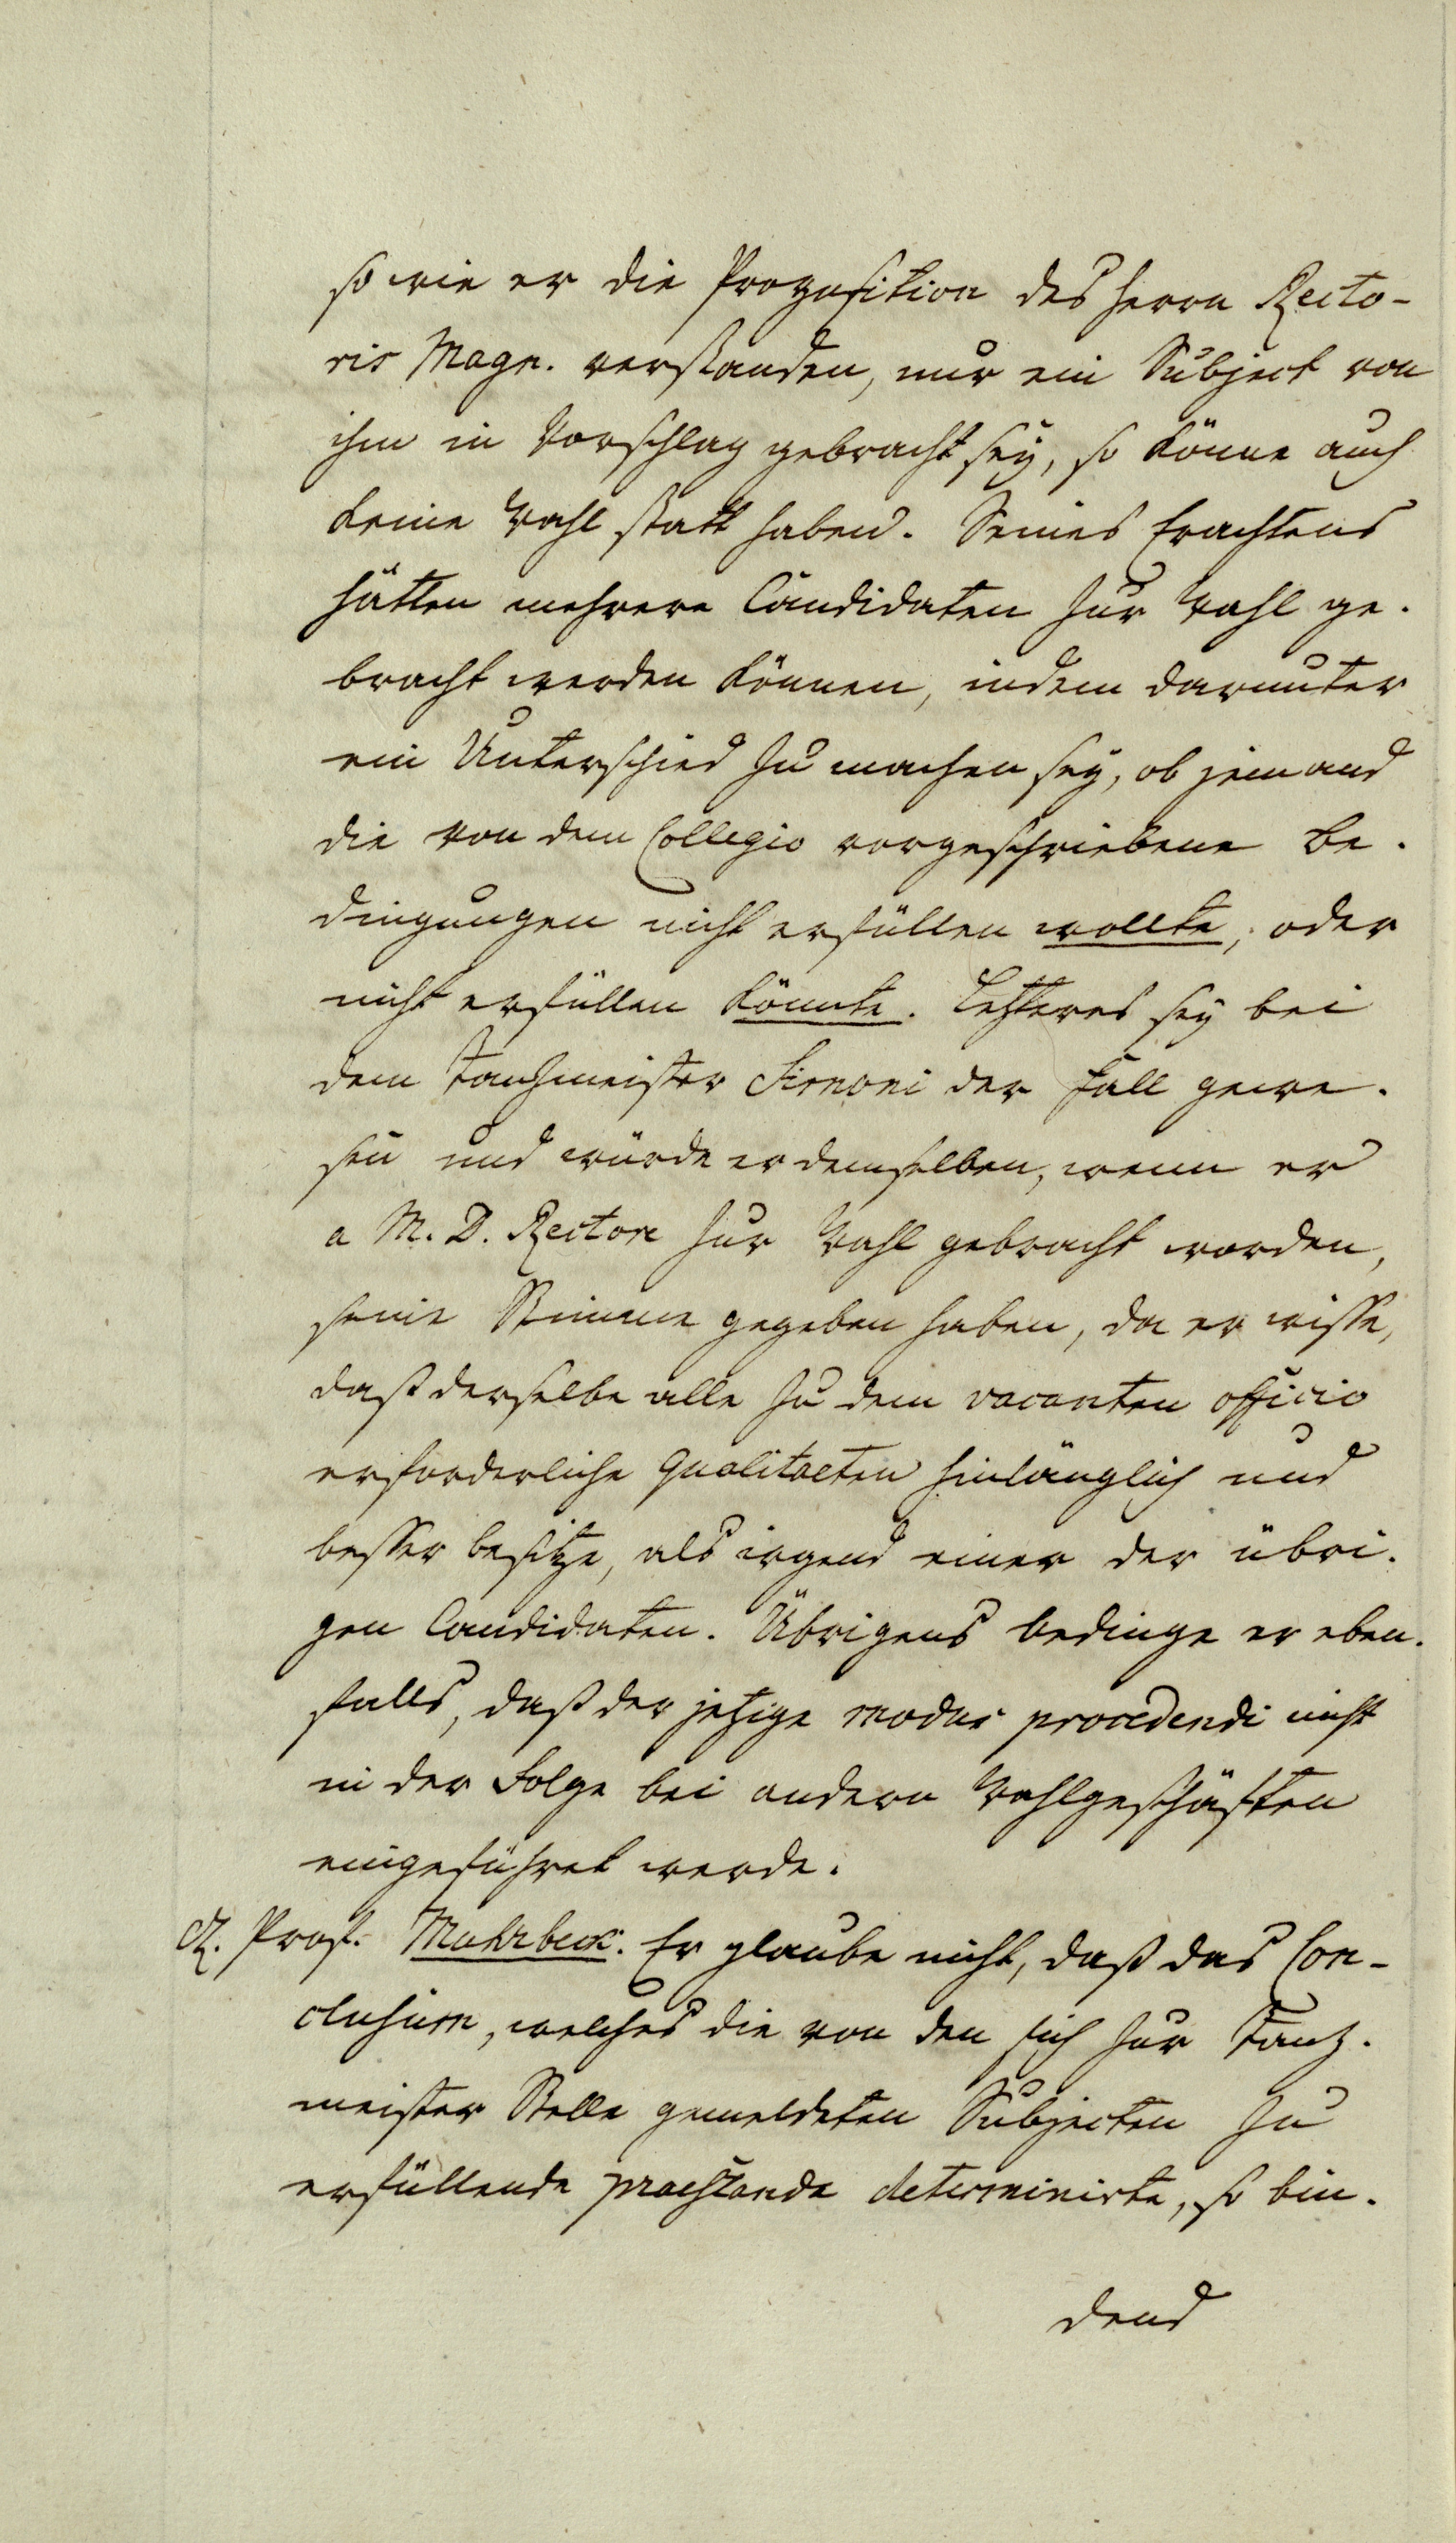so wie er die Proposition des Herrn Recto¬
ris Magn. verstanden, nur ein Subject von
ihm in Vorschlag gebracht seÿ, so könne auch
keine Wahl statt haben. Seines Erachtens
hätten mehrere Candidaten zur Wahl ge¬
bracht werden können, indem darunter
ein Unterschied zu machen seÿ, ob jemand
die von dem Collegio vorgeschriebene Be¬
dingungen nicht erfüllen wollte, oder
nicht erfüllen könnte. Letzteres seÿ bei
dem Tanzmeister Simoni der Fall gewe¬
sen und würde er demselben, wenn er
a M. D. Rector zur Wahl gebracht worden,
seine Stimme gegeben haben, da er wisse,
daß derselbe alle zu dem vacanten officio
erforderliche Qualitaeten hinlänglich und
besser besitze, als irgend einer der übri¬
gen Candidaten. Übrigens bedinge er eben¬
falls, daß der jetzige modus procedendi nicht
in der Folge bei andern Wahlgeschäften
einngeführet werde.
dh. Prof. Muhrbeck. Er glaube nicht, daß das Con¬
clusum, welches die von den sich zur Tanz¬
meister Stelle gemeldeten Subjecten zu
erfüllende praestanda determinirte, so bin¬
dend